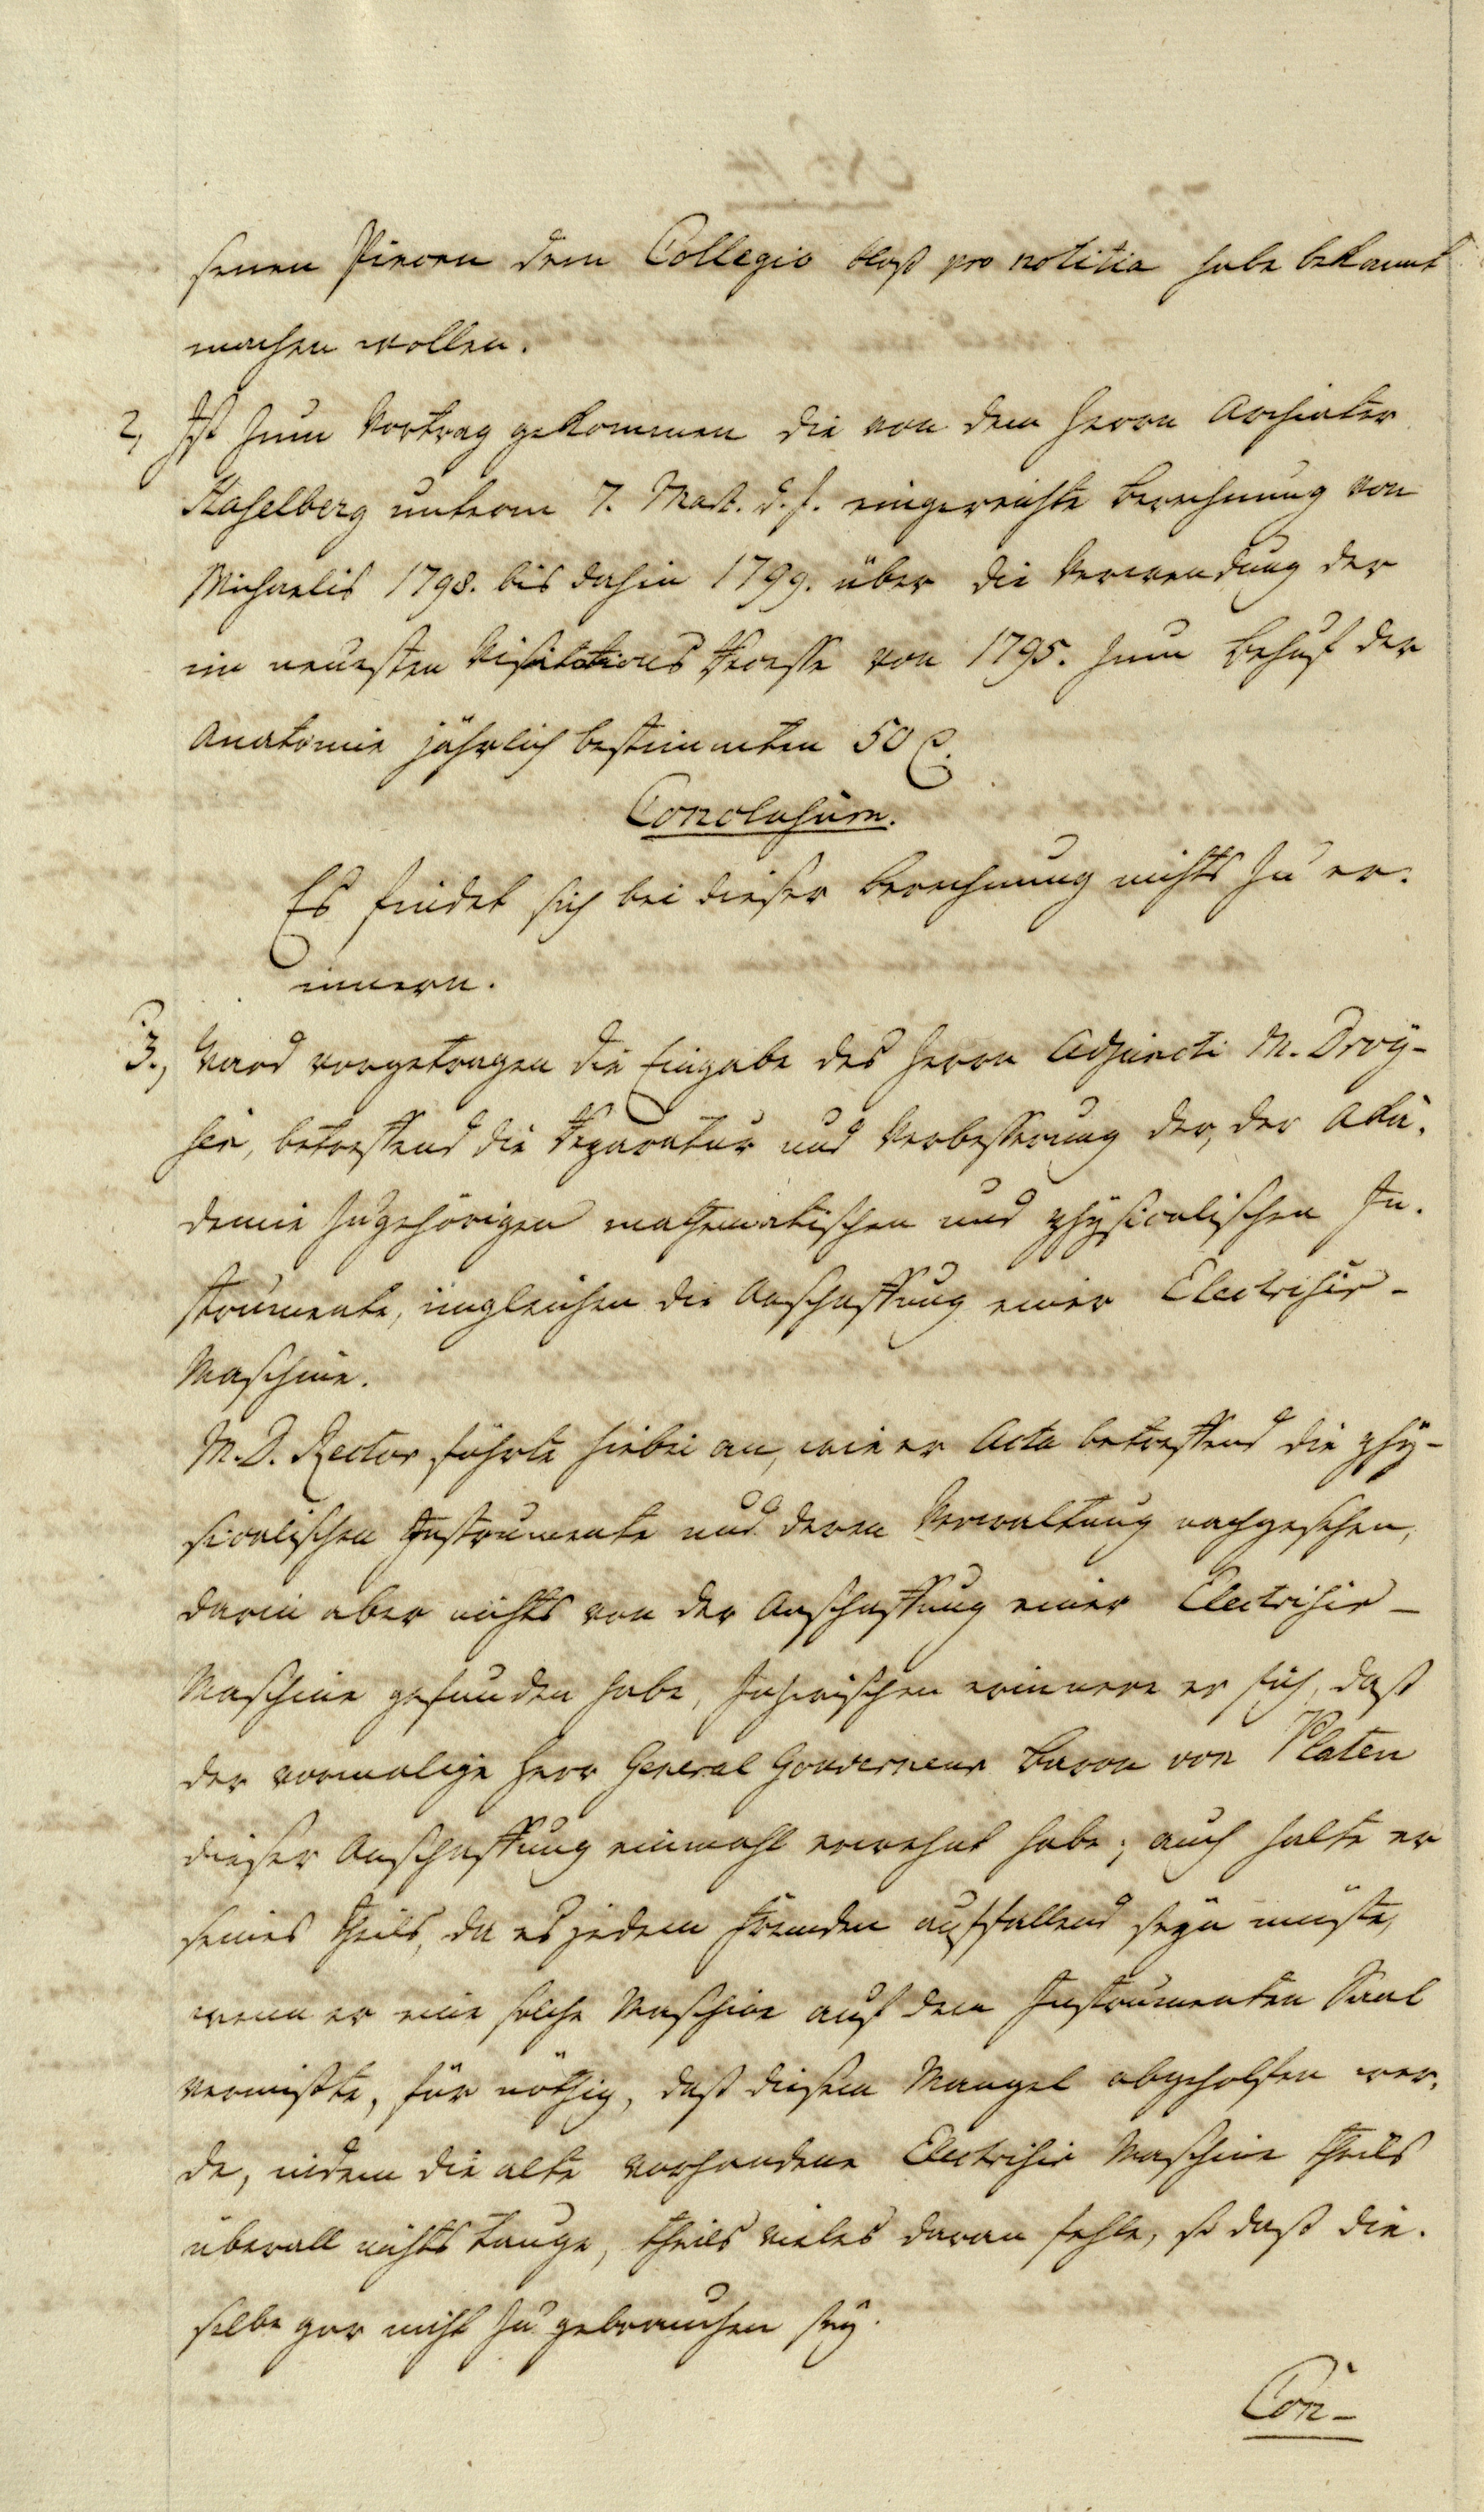seinen Piecen dem Collegio bloß pro notitia habe bekannt
machen wollen.
2, Ist zum Vortrag gekommen die von dem Herrn Archiater
Haselberg unterm 7. Mart. d. J. eingereichte Berechnung von
Michaelis 1798. bis dahin 1799. über die Verwendung der
im neuesten Visitations Recesse von 1795. zum Behuf der
Anatomie jährlich bestimmten 50 l.
Conclusum.
Es findet sich bei dieser Berechnung nicht zu er¬
innern.
3., Wird vorgetragen die Eingabe des Herrn Adjuncti M. Droÿ¬
sen betreffend die Reparatur und Verbesserung der, der Aka¬
demie zugehörigen mathematischen und phÿsicalischen In¬
strumente, imgleichen die Anschaffung einer Electrisir-
Maschine.
M. D. Rector führte hiebei an, wie er Acta betreffend die phÿ-
sicalischen Instrumente und deren Verwaltung nachgesehen,
darin aber nichts von der Anschaffung einer Electrisir-
Maschine gefunden habe, Inzwischen erinnere er sich, daß
der vormalige Herr General Gouverneur Baron von Platen
dieser Anschaffung einmahl erwehnt habe; auch halte er
seines Theils, da es jedem Fremden auffallend seÿn müßte,
wenn er eine solche Maschine auf dem Instrumenten Saal
vermißte, für nöthig, daß diesem Mangel abgeholfen wer¬
de, indem die alte vorhandene Electrisir Maschine theils
überall nichts tauge, theils vieles daran fehle, so daß die¬
selbe gar nicht zu gebrauchen seÿ.
Con¬